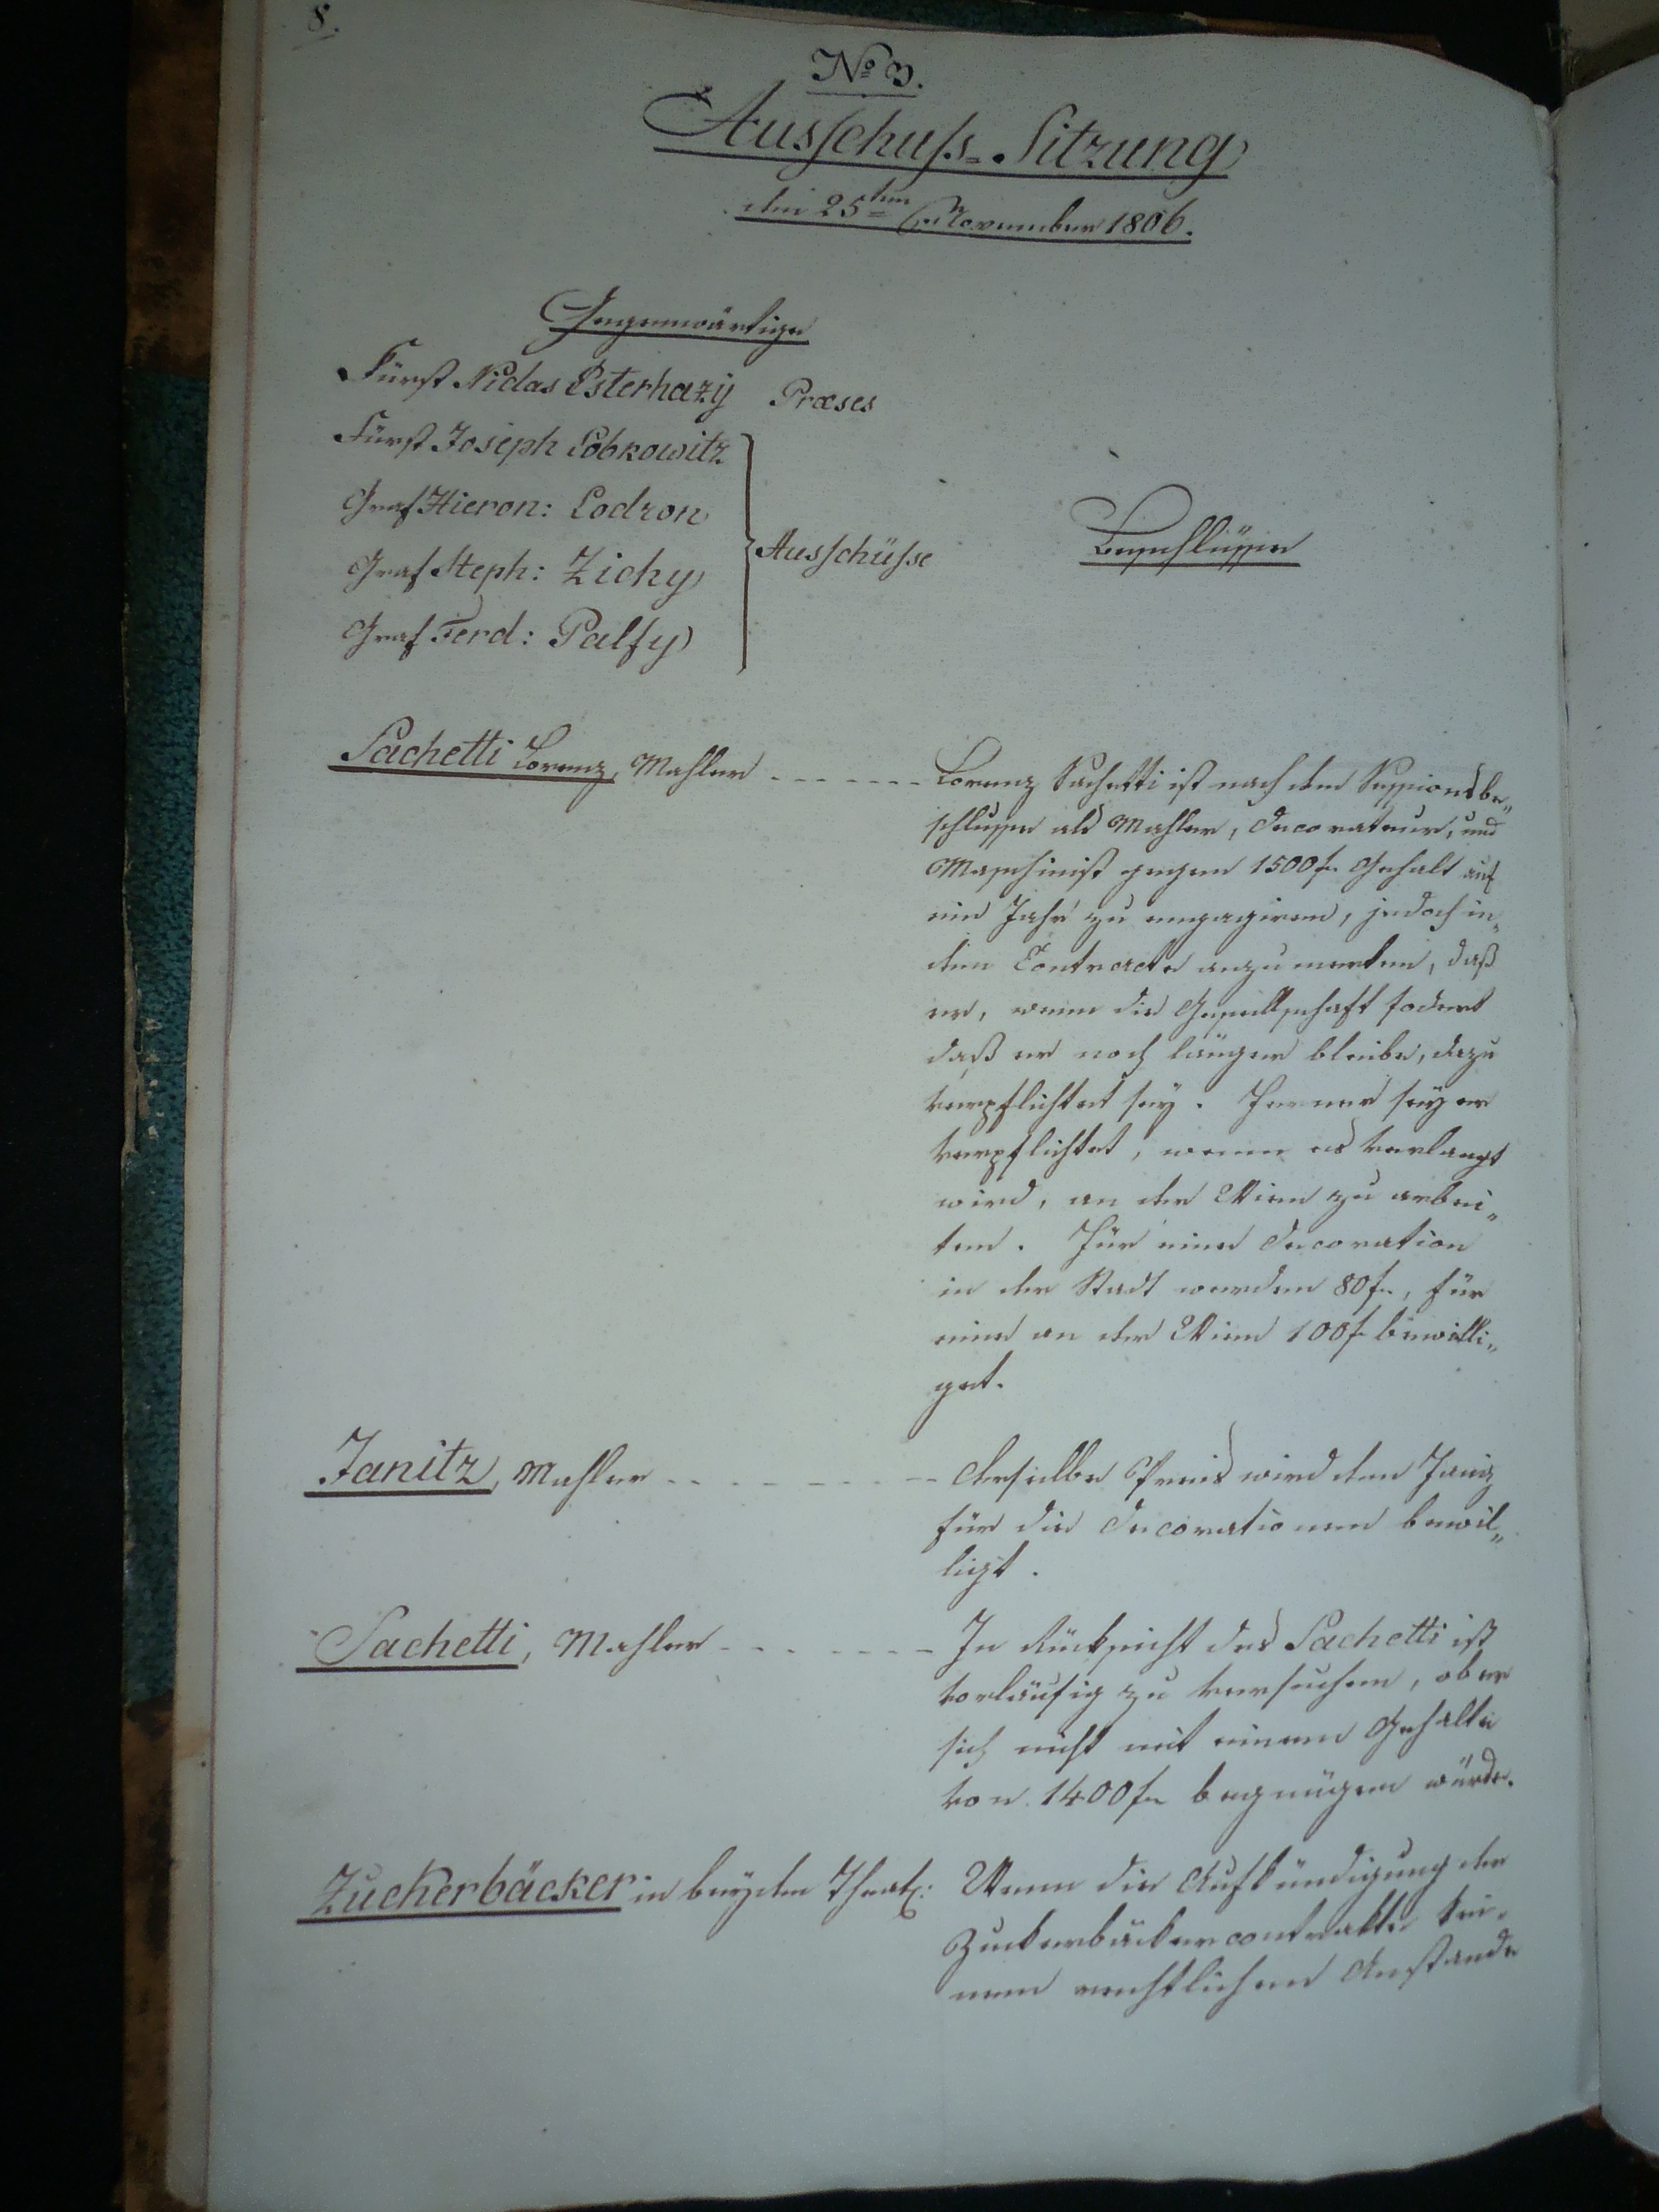8.
No͇ 3.
Ausschuss‗Sitzung
den 25te͇n November 1806.
Gegenwärtige
Fürst Niclas Esterhazy Præses
Fürst Joseph Lobkowitz
Graf Hieron: Lodron
Graf Steph: Zichy
Graf Ferd: Palfy
Ausschüsse
Beschlüsse
Sachetti Lorenz, Mahler ……. Lorenz Sachetti ist nach dem Sessionsbe¬
schlusse als Mahler, Decorateur, und
Maschinist gegen 1500fn Gehalt auf
ein Jahr zu engagiren, jedoch in
den Contracte anzu merken, daß
er, wenn die Gesellschaft fodert
daß er noch länger bleibe, dazu
verpflichtet sey. Ferner sey er
verpflichtet, wenn es verlangt
wird, an der Wien zu arbei¬
ten. Für eine Decoration
in der Stadt werden 80fn, für
eine an der Wien 100fn bewilli¬
get.
Janitz, Mahler ……… Derselbe Preis wird dem Janiz
für die Decorationen bewil¬
ligt.
Sachetti, Mahler ……. In Rücksicht des Sachetti ist
vorläufig zu versuchen, ob er
sich nicht mit einem Gehalte
von 1400fn begnügen würde.
Zuckerbäcker in beyden TheatE: Wenn die Aufkündigung der
Zuckerbäckercontrakte kei¬
nem amtlichen Anstande